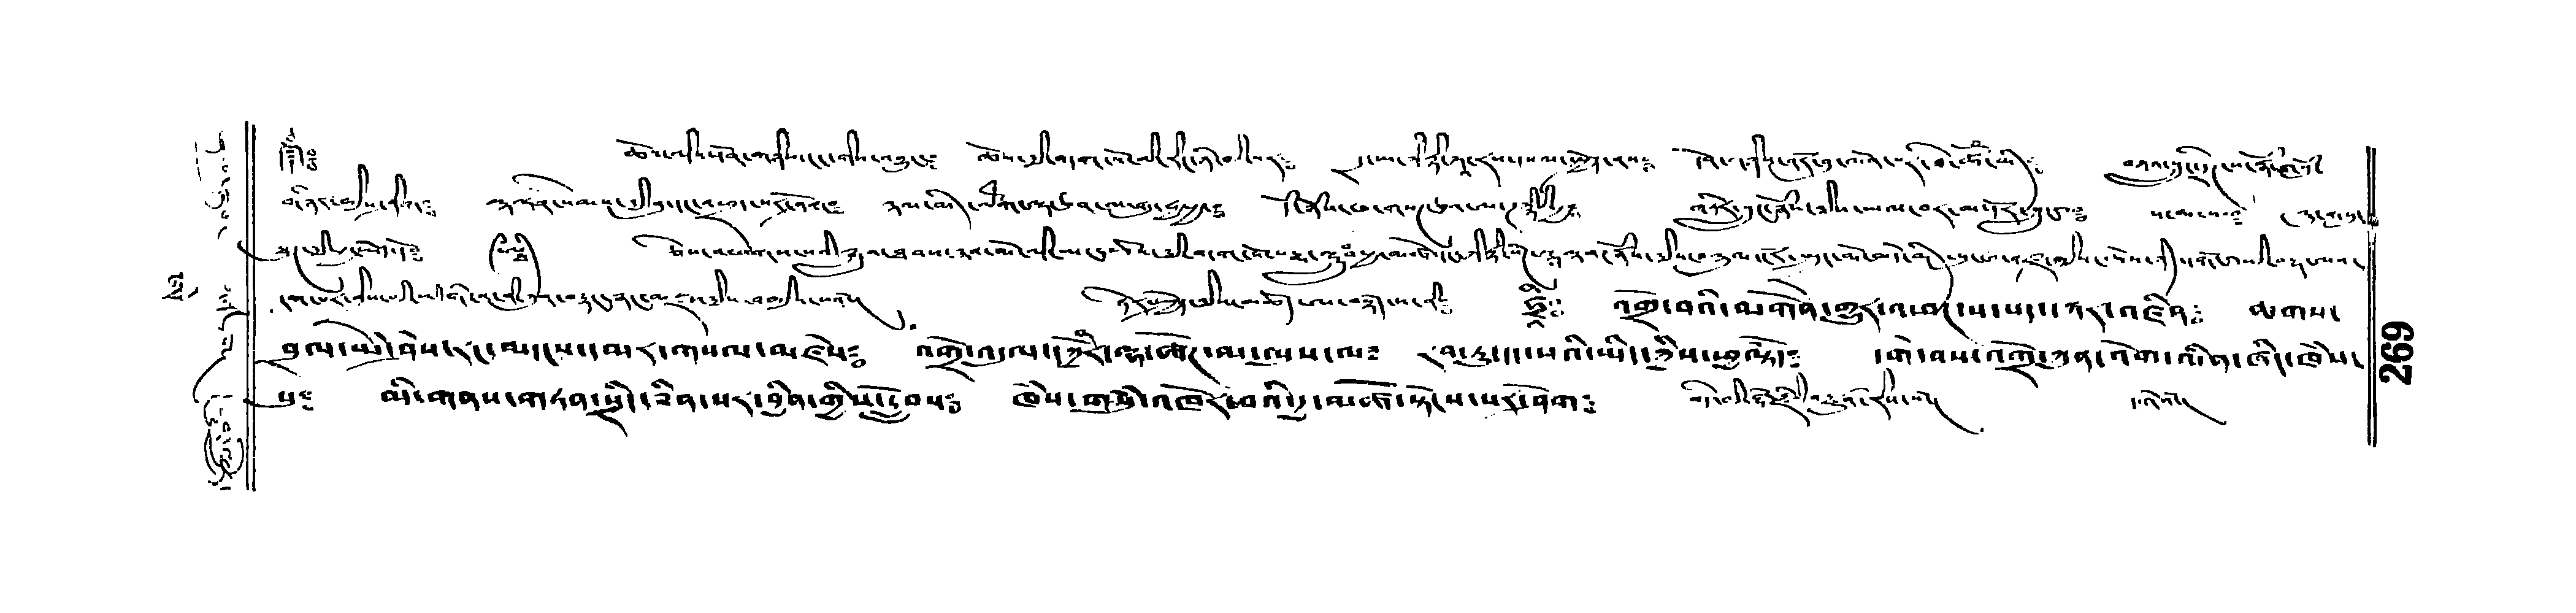ཆོས་འདིས་དོན་གཉིས་ངང་གིས་འབྱུང༔ ཆོས་ཀྱི་བདག་པོ་མི་རིང་ཉེ་བའི་སར༔ དྲ་ཡ་ཀིརྟི་ཀཱ་རས་དཔལ་སྤྱོད་ནས༔ དོན་གཉིས་ནོར་བུ་ལོན་པར་ཐེ་ཚོམ་མེད༔ བཀའ་སྲུང་དྲེགས་པ་རྣམ་གསུམ་
གཉེར་གྱིས་ཤིག༔ སྐལ་ལྡན་སེམས་ཀྱི་བུ་དང་འཕྲད་པར་ཤོག༔ སྐལ་མེད་ལོག་ལྟ་ཅན་ལ་གུ་ཧྱ་རྒྱ༔ དམ་ཉམས་ཁ་གསག་ཅན་ལ་ཌཱཀྐིའི་རྒྱ༔ གཏེར་སྲུང་རྣམས་ཀྱིས་ཡལ་བར་མ་དོར་སྲུངསཿ ས་མ་ཡ༔ སྐུ་གསུང་
ཐུགས་ཀྱི་རྒྱ་ཡོད་དོ༔ ཅེས་འཕགས་པའི་སྒྲུབ་ཐབས་ཟབ་མོ་འདི་ཡང་ཆོས་ཀྱི་བདག་པོ་པདྨ་ལྷུན་གྲུབ་རྒྱ་མཚོ་དང་ཀིརྟི་སོགས་སྐལ་ལྡན་རྣམས་ཀྱིས་བསྐུལ་ངོར་སྤྲང་མོ་མདོ་མེད་སུ་ཁ་བཛྲ་གྱིས་ཆོས་ཉིད་དགོངས་པའི་བརྡ་ལས་
དག་པར་བྲིས་པའི་ཡི་གེ་པ་ནི་ཀུན་བཟང་སྣང་མཛད་ཀྱིས་བགྱིས་པའོ།། ཉེར་སྤྱོད་ཀྱིས་མཆོད་ལ་བསྟོད་པ་ནི༔ ཧྲཱི༔ འགྲོ་བའི་མགོན་གྱུར་འཕགས་པ་པད་དཀར་འཛིན༔ ཆགས་
བྲལ་ཡེ་ཤེས་རང་མདངས་དམར་གསལ་མཛེས༔ འགྲོ་འདུལ་དཀྱིལ་འཁོར་ལྷ་ཚོགས་མ་ལུས་ལ༔ རབ་ཏུ་དད་པའི་ཡིད་ཀྱི་ཕྱག་འཚལ་བསྟོད༔ དགེ་བས་འགྲོ་ཀུན་འོག་མིན་ཞིང་ཁམས་
སུ༔ མི་གནས་གཏན་སྲིད་ཟིན་པར་བྱིན་གྱིས་རློབས༔ ཁམས་གསུམ་འཁོར་བའི་རྒྱ་མཚོ་སྟོངས་པར་ཤོག༔ བདེབའི་རྡོ་རྗེའི་བརྫུན་རིས་སོ།། དགེའོ།།